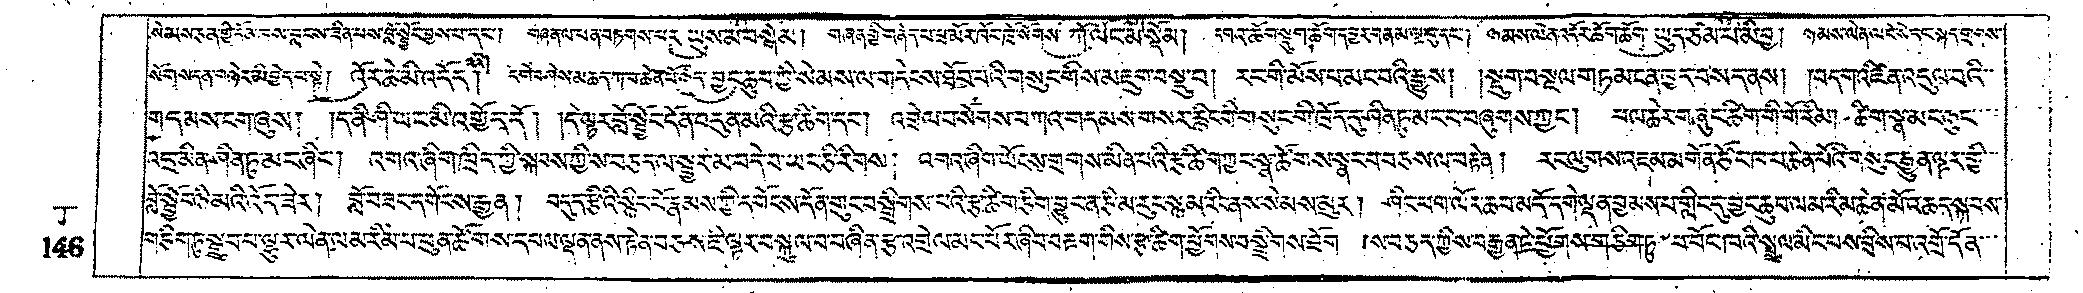སེམས་ཅན་གྱི་དོན་ཁས་བླངས་ཟིན་པས་བློ་སྦྱོང་བྱས་པ་དང་། གཞན་ལ་ཕན་བཏགས་པར་ཡུས་མ་བསྒོམ། གཞན་གྱི་གནོད་པ་ཕྲ་མོར་ཁོང་ཁྲོ་སོགས་ཀོ་ལོང་མ་སྡོམ། དགའ་ཆོག་སྡུག་ཆོག་དབྱར་གནམ་ལྟ་བུ་དང་། ཉམས་ལེན་འདོར་ཆོག་ཆོག་ཡུད་ཙམ་པ་མི་བྱ། ཉམས་ལེན་ལ་ངེས་དང་སྐད་གྲགས་
སོགས་དན་གཉེར་མི་བྱེད་པ་སྟེ། འོར་ཆེ་མི་འདོད། དགེ་བཤེས་མཆད་ཀ་བ་ཆེན་པོ་ཉིད་བྱང་ཆུབ་སེམས་ལ་གདེངས་ཐོབ་པའི་གསུང་གིས་མཇུག་བསྡུ་བ། རང་གི་མོས་པ་མང་བའི་རྒྱུས། །སྡུག་བསྔལ་གཏམ་ངན་ཁྱད་བསད་ནས། །བདག་འཛིན་འདུལ་བའི་་་
གདམས་ངག་ཞུས། །ད་ནི་ཤི་ཡང་མི་འགྱོད་དོ། །དེ་ལྟར་བློ་སྦྱོང་དོན་བདུན་མའི་རྩ་ཚིག་དང་། འགྲེལ་པ་སོགས་བཀའ་གདམས་གསར་རྙིང་གི་གསུང་གི་ཁྲོད་དུ་ཤིན་ཏུ་མང་བ་བཞུགས་ཀྱང་། ཕལ་ཆེར་གཞུང་ཚིག་གི་གོ་རིམ། ཚིག་སྣ་མང་ཉུང་་་
འདྲ་མིན་ཤིན་ཏུ་མང་ཞིང་། འགའ་ཞིག་ཁྲིད་ཀྱི་སྐབས་ཀྱི་ས་བཅད་ལ་སྦྱར་མ་བདེ་བ་ཡང་ཅི་རིགས། འགའ་ཞིག་ཡོངས་གྲགས་མིན་པའི་རྩ་ཚིག་ཀྱང་སྣ་ཚོགས་སྣང་བ་བཅས་ལ་བརྟེན། རང་ལུགས་འཇམ་མགོན་ཙོང་ཁ་པ་ཆེན་པོའི་གསུང་རྒྱུན་ལྟར་གྱི་་་
བློ་སྦྱོང་ཉི་མའི་འོད་ཟེར། བློ་བཟང་དགོངས་རྒྱན། བདུད་རྩིའི་སྙིང་པོ་རྣམས་ཀྱི་དགོངས་དོན་གུང་བསྒྲིགས་པའི་རྩ་ཚིག་ཅིག་བྱུང་ན་ཅི་མ་རུང་སྙམ་རིང་ནས་སེམས་མུར། ཤིང་ཕག་ལོར་ཆབ་མདོ་དགེ་ལྡན་བྱམས་པ་གླིང་དུ་བྱང་ཆུབ་ལམ་རིམ་ཆེན་མོ་འཆད་སྐབས་
གཅིག་ཏུ་སྒྲུབ་པ་ལྷུར་ལེན་ལམ་རིམ་པ་ཕུན་ཚོགས་དཔལ་ལྡན་ནས་རྟེན་བཅས་ཇི་ལྟར་བསྐུལ་བ་བཞིན་རྩ་འགྲེལ་མང་པོར་ཞིབ་བརྟག་གིས་རྩ་ཚིག་ཕྱོགས་བསྒྲིགས་ཐོག །ས་བཅད་ཀྱིས་བརྒྱན་ཏེ་ཕྱོགས་གཅིག་ཏུ ༧་ཕ་བོང་ཁའི་སྤྲུལ་མིང་པས་བྲིས་པ་འགྲོ་དོན་་་